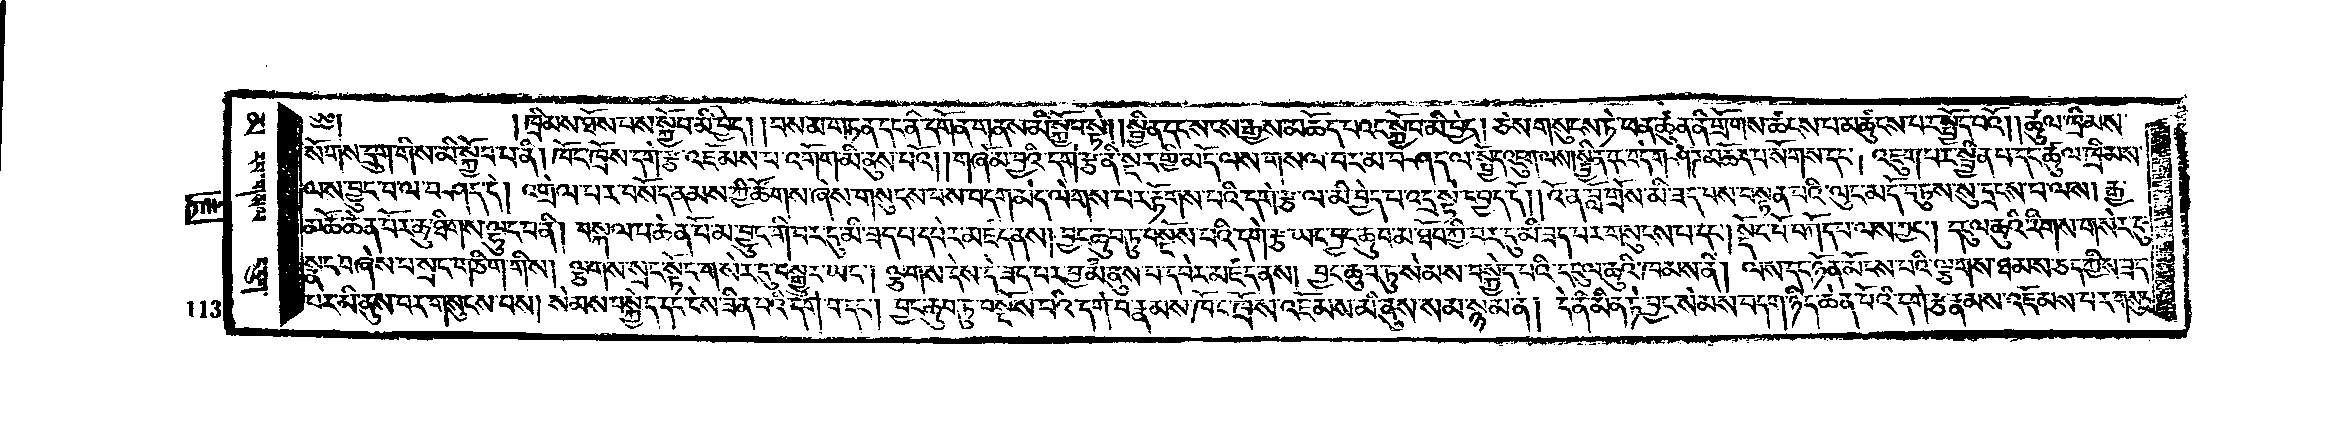༄༅། །ཁྲིམས་ཐོས་པས་སྐྱོབ་མི་བྱེད། །བསམ་གཏན་དང་ནི་དགོན་གནས་མི་སྐྱོབ་སྟེ། །སྦྱིན་དང་སངས་རྒྱས་མཆོད་པའང་སྐྱོབ་མི་བྱེད། ཅེས་གསུངས་ཏེ་ཕན་ཚུན་ནི་གྲོགས་ཚངས་པ་མཚུངས་པར་སྤྱོད་པའོ། །ཚུལ་ཁྲིམས་
སོགས་དྲུག་གིས་མི་སྐྱོབ་པ་ནི། ཁོང་ཁྲོས་དགེ་རྩ་འཇོམས་པ་འགོག་མི་ནུས་པའོ། །གཞོམ་བྱའི་དགེ་རྩ་ནི་སྔར་གྱི་མདོ་ལས་གསལ་བར་མ་བཤད་ལ། སྤྱོད་འཇུག་ལས། སྦྱིན་དང་བདེ་གཤེགས་མཆོད་པ་སོགས་དང་། འཇུག་པར་སྦྱིན་པ་དང་ཚུལ་ཁྲིམས་
ལས་བྱུང་བ་ལ་བཤད་དོ། འགྲེལ་པར་བསོད་ནམས་ཀྱི་ཚོགས་ཞེས་གསུངས་པས་བདག་མེད་ལེགས་པར་རྟོགས་པའི་དགེ་རྩ་ལ་མི་བྱེད་པ་འདྲ་སྟེ་དཔྱད་དེ། །འོ་ན་བློ་གྲོས་མི་ཟད་པས་བསྟན་པའི་ལུང་མདོ་བཏུས་སུ་དྲངས་པ་ལས། རྒྱ་
མཚོ་ཆེན་པོར་ཆུ་ཐིགས་ལྷུང་བ་ནི། བསྐལ་པ་ཆེན་པོ་མ་བྱུང་གི་བར་དུ་མི་ཟད་པ་དཔེར་མཛད་ནས། བྱང་ཆུབ་ཏུ་བསྔོས་པའི་དགེ་རྩ་ཡང་བྱང་ཆུབ་མ་ཐོབ་ཀྱི་བར་དུ་མི་ཟད་པར་གསུངས་པ་དང་། སྡོང་པོ་བཀོད་པ་ལས་ཀྱང་། དངུལ་ཆུའི་རིགས་གསེར་དུ་
སྣང་བཞེས་པ་སྲང་གཅིག་གིས། ལྕགས་སྲང་སྟོང་གསེར་དུ་བསྒྱུར་ཡང་། ལྕགས་དེས་དེ་ཟད་པར་བྱ་མི་ནུས་པ་དཔེར་མཛད་ནས། བྱང་ཆུབ་ཏུ་སེམས་བསྐྱེད་པའི་དངུལ་ཆུའི་ཁམས་ནི། ལས་དང་ཉོན་མོངས་པའི་ལྕགས་ཐམས་ཅད་ཀྱིས་ཟད་
པར་མི་ནུས་པར་གསུངས་པས། སེམས་བསྐྱེད་དང་དེས་ཟིན་པའི་དགེ་བ་དང་། བྱང་ཆུབ་ཏུ་བསྔོས་པའི་དགེ་བ་རྣམས་ཁོང་ཁྲོས་འཇོམས་མི་ནུས་སམ་སྙམ་ན། དེ་ནི་མིན་ཏེ་བྱང་སེམས་བདག་ཉིད་ཆེན་པོའི་དགེ་རྩ་རྣམས་འཇོམས་པར་གསུངས་